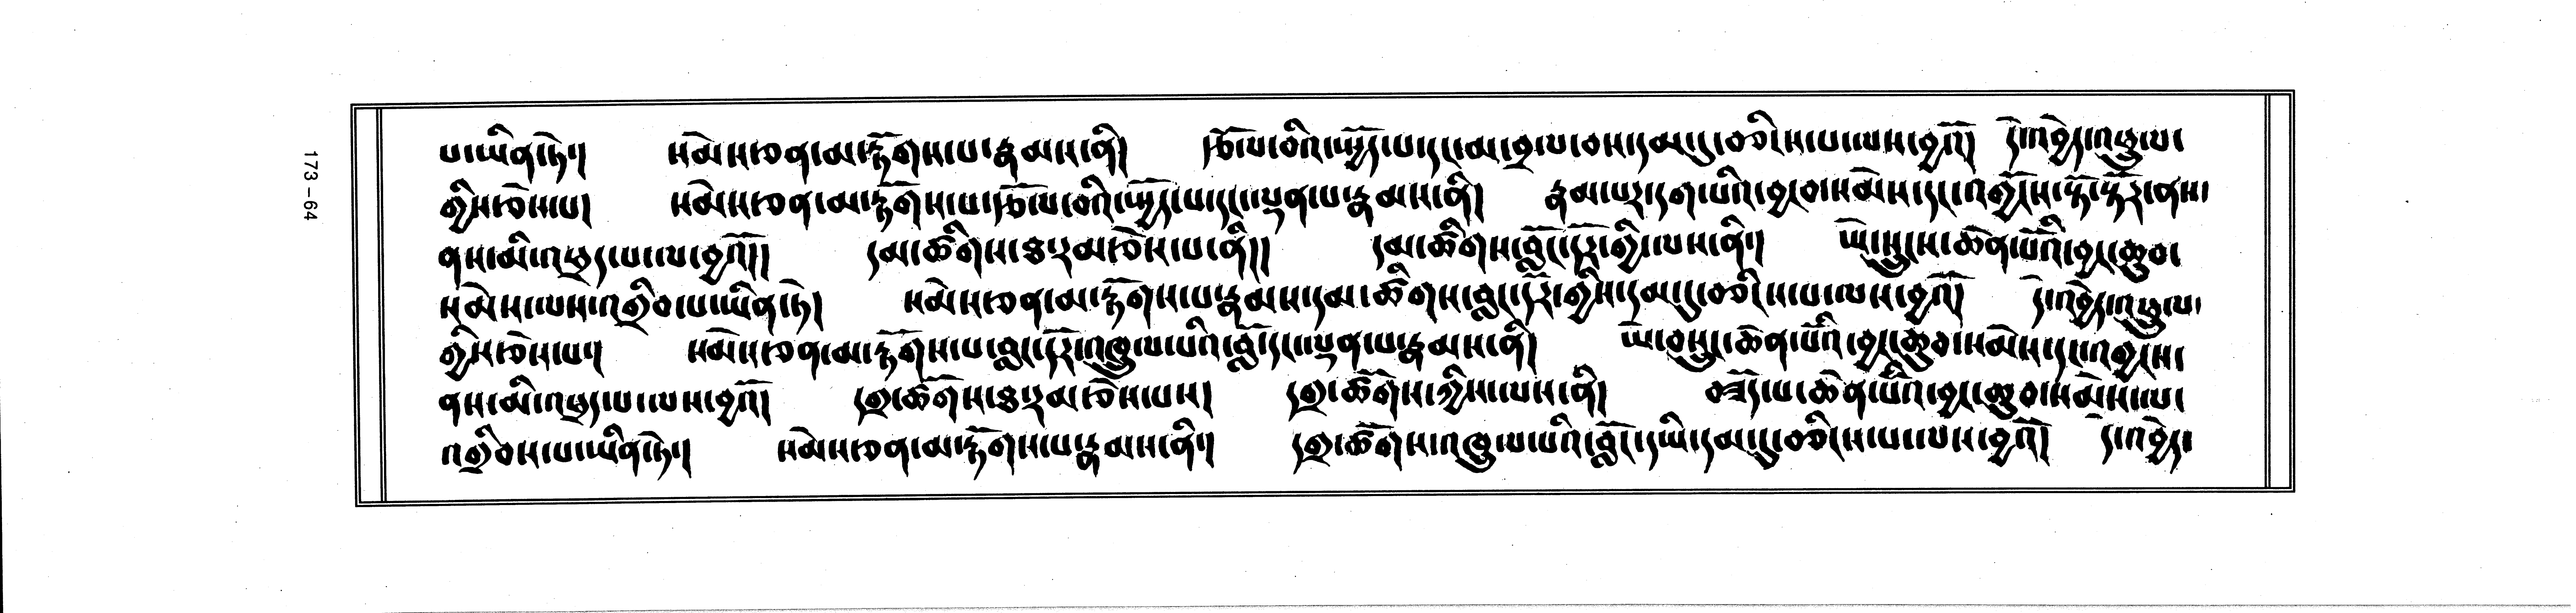ཡིན་ཏེ། སེམས་ཅན་མ་རྟོགས་པ་རྣམས་ནི། རྩོལ་བའི་སྤྱོད་པ་དང་མ་བྲལ་བར་དམ་དུ་བཅིངས་པ་ལ་བྱའོ། །དེ་འབྱེད་འཕྲུལ་
གྱིས་ཅེས་པས། སེམས་ཅན་མ་རྟོགས་པ་རྩོལ་བའི་སྤྱོད་པ་དང་ལྡན་པ་རྣམས་ནི། རྣམ་པར་དག་པའི་བྱང་ཆུབ་སེམས་དང་འགྱངས་ཏེ་སྟོར་ནས་
ནས་མི་འཕྲད་པ་ལ་བྱའོ། །དམ་ཚིག་ཐ་རམ་ཅེས་པ་ནི། དམ་ཚིག་བླང་དོར་གྱི་ལས་ནི། ཡེ་སྲུང་ཆེན་པོའི་བྱང་ཆུབ་
སེམས་ལས་འགྲིབ་པ་ཡིན་ཏེ། སེམས་ཅན་མ་རྟོགས་པ་རྣམས་དམ་ཚིག་བླང་དོར་གྱིས་དམ་དུ་བཅིངས་པ་ལ་བྱའོ། །དེ་འབྱེད་འཕྲུལ་
གྱིས་ཅེས་པས། སེམས་ཅན་མ་རྟོགས་པ་བླང་དོར་འཁྲུལ་པའི་བློ་དང་ལྡན་པ་རྣམས་ནི། ཡེ་བསྲུངས་ཆེན་པོའི་བྱང་ཆུབ་སེམས་དང་འགྱངས་
ནས་མི་འཕྲད་པ་ལ་བྱའོ། དགྲ་ཚོགས་ཐ་རམ་ཅེས་པས། དགྲ་ཚོགས་ཀྱིས་ལས་ནི། བཟོད་པ་ཆེན་པོའི་བྱང་ཆུབ་སེམས་ལ་
འགྲིབས་པ་ཡིན་ཏེ། སེམས་ཅན་མ་རྟོགས་པ་རྣམས་ནི། དགྲ་ཚོགས་འཁྲུལ་པའི་བློས་ཡིད་དམ་དུ་བཅིངས་པ་ལ་བྱའོ། །དེ་འབྱེད་